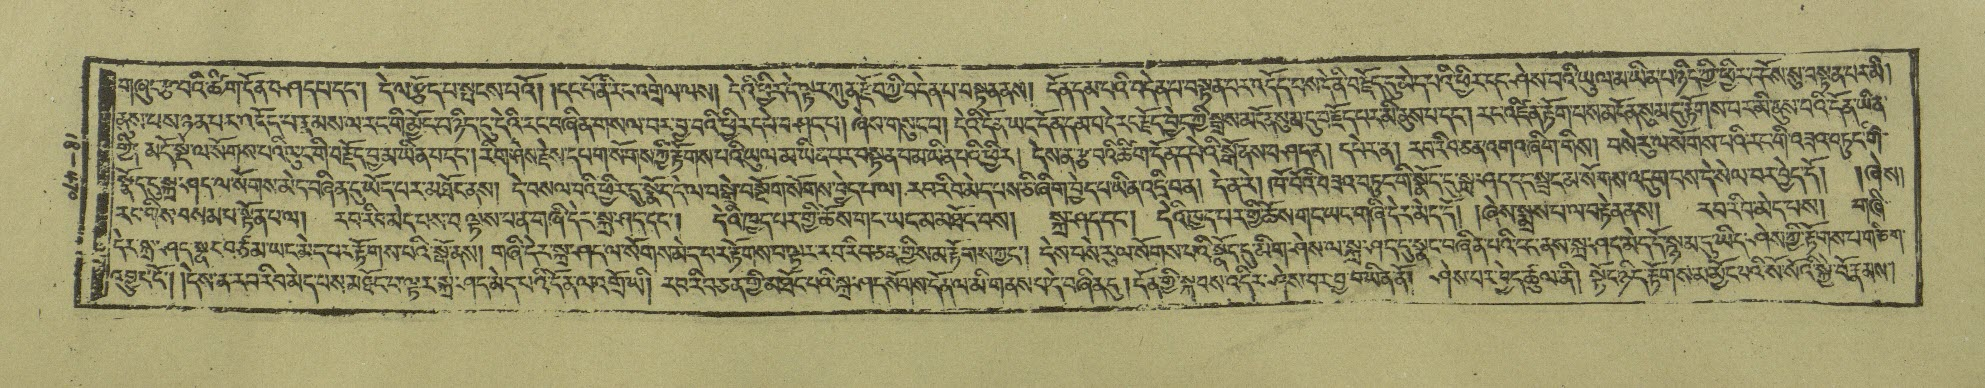གཞུང་རྩ་བའི་ཚིག་དོན་བཤད་པ་དང་། དེ་ལ་རྩོད་པ་སྤངས་པའོ། །དང་པོ་ནི་རང་འགྲེལ་ལས། དེའི་ཕྱིར་དེ་ལྟར་ཀུན་རྫོབ་ཀྱི་བདེན་པ་བསྟན་ནས། དོན་དམ་པའི་བདེན་པ་བསྟན་པར་འདོད་པས་དེ་ནི་བརྗོད་དུ་མེད་པའི་ཕྱིར་དང་ཤེས་པའི་ཡུལ་མ་ཡིན་པ་ཉིད་ཀྱི་ཕྱིར་དངོས་སུ་བསྟན་པར་མི་
ནུས་པས་ཉན་པར་འདོད་པ་རྣམས་ལ་རང་གི་མྱོང་བ་ཉིད་དུ་དེའི་རང་བཞིན་གསལ་བར་བྱ་བའི་ཕྱིར་དཔེ་བཤད་པ། ཞེས་གསུང་པ། དེའི་དོན་ཡང་དོན་དམ་པ་དེ་རང་རྗོད་བྱེད་ཀྱི་སྒྲས་མངོན་སུམ་དུ་བརྗོད་པར་མི་ནུས་པ་དང་། རང་འཛིན་རྟོག་པས་མངོན་སུམ་དུ་རྟོགས་པར་མི་ནུས་པའི་དོན་ཡིན་
གྱི༑ མདོ་སྡེ་ལ་སོགས་པའི་ལུང་གི་བརྗོད་བྱ་མ་ཡིན་པ་དང་། རིག་ཤེས་རྗེས་དཔག་སོགས་ཀྱི་རྟོགས་པའི་ཡུལ་མ་ཡིན་པར་བསྟན་པ་མ་ཡིན་པའི་ཕྱིར། དེས་ན་རྩ་བའི་ཚིག་དོན་དཔེའི་སྒོ་ནས་བཤད་ན། དཔེར་ན། རབ་རིབ་ཅན་འགའ་ཞིག་གིས། བསེ་རུ་ལ་སོགས་པའི་རང་གི་བཟའ་བཏུང་གི་
སྣོད་དུ་སྐྲ་ཤད་ལ་སོགས་མེད་བཞིན་དུ་ཡོད་པར་མཐོང་ནས། དེ་བསལ་བའི་ཕྱིར་དུ་སྣོད་དེ་ལ་བསྒྲེ་བསྔོག་སོགས་བྱེད་པ་ལ། རབ་རིབ་མེད་པས་ཅི་ཞིག་བྱེད་པ་ཡིན་འདྲི་བ་ན། དེ་ན་རེ། ཁོ་བོའི་བཟའ་བཏུང་གི་སྣོད་དུ་སྐྲ་ཤད་དང་སྦྲང་མ་སོགས་འདུག་པས་དེ་སེལ་བར་བྱེད་དོ། །ཞེས་
རང་གིས་བསམ་པ་སྟོན་པ་ལ། རབ་རིབ་མེད་པས་བལྟས་པ་ན་གཞི་དེར་སྐྲ་ཤད་དང་། དེའི་ཁྱད་པར་གྱི་ཆོས་གང་ཡང་མ་མཐོང་བས། སྐྲ་ཤད་དང་། དེའི་ཁྱད་པར་གྱི་ཆོས་གང་ཡང་གཞི་དེར་མེད་དོ། །ཞེས་སྨྲས་པ་ལ་བརྟེན་ནས། རབ་རིབ་མེད་པས། གཞི་
དེར་སྐྲ་ཤད་སྣང་བ་ཙམ་ཡང་མེད་པར་རྟོགས་པའི་སྒོ་ནས། གཞི་དེར་སྐྲ་ཤད་ལ་སོགས་མེད་པར་རྟོགས་པ་ལྟར་རབ་རིབ་ཅན་གྱིས་མ་རྟོགས་ཀྱང་། དེས་བསེ་རུ་ལ་སོགས་པའི་སྣོད་དུ་མིག་ཤེས་ལ་སྐྲ་ཤད་དུ་སྣང་བཞིན་པའི་ངང་ནས་སྐྲ་ཤད་མེད་དོ་སྙམ་དུ་ཡིད་ཤེས་ཀྱི་རྟོགས་པ་གཅིག་
འབྱུང་ངོ། །དེས་ན་རབ་རིབ་མེད་པས་མཐོང་བ་ལྟར་སྐྲ་ཤད་མེད་པའི་དོན་ལ་འགྲོ་ཡི། རབ་རིབ་ཅན་གྱི་མཐོང་བའི་སྐྲ་ཤད་སོགས་དོན་ལ་མི་གནས་པ་དེ་བཞིན་དུ། དོན་གྱི་སྐབས་འདིར་ཤེས་པར་བྱ་བ་ཡིན་ནོ། །ཤེས་པར་བྱེད་ཚུལ་ནི། སྟོང་ཉིད་རྟོགས་མ་མྱོང་བའི་སོ་སོའི་སྐྱེ་བོ་རྣམས་